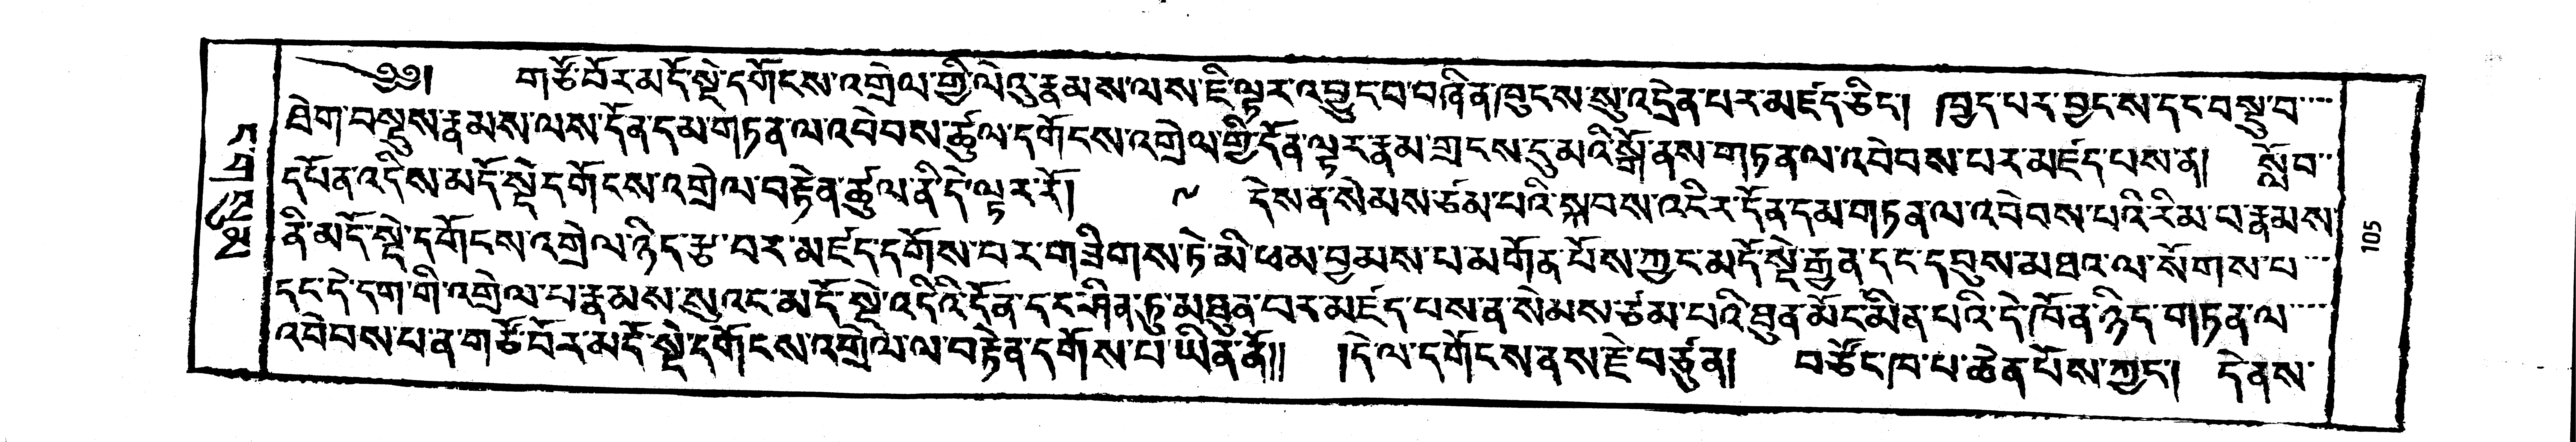༄༅། །གཙོ་བོར་མདོ་སྡེ་དགོངས་འགྲེལ་གྱི་ལེའུ་རྣམས་ལས་ཇི་ལྟར་འབྱུང་བ་བཞིན་ཁུངས་སུ་འདྲེན་པར་མཛད་ཅིང་། ཁྱད་པར་བྱང་ས་དང་བསྡུ་བ་
ཐེག་བསྡུས་རྣམས་ལས་དོན་དམ་གཏན་ལ་འབེབས་ཚུལ་དགོངས་འགྲེལ་གྱི་དོན་ལྟར་རྣམ་གྲངས་དུ་མའི་སྒོ་ནས་གཏན་ལ་འབེབས་པར་མཛད་པས་ན། སློབ་
དཔོན་འདིས་མདོ་སྡེ་དགོངས་འགྲེལ་བརྟེན་ཚུལ་ནི་དེ་ལྟར་རོ། དེས་ན་སེམས་ཙམ་པའི་སྐབས་འདིར་དོན་དམ་གཏན་ལ་འབེབས་པའི་རིམ་པ་རྣམས་
ནི་མདོ་སྡེ་དགོངས་འགྲེལ་ཉིད་རྩ་བར་མཛད་དགོས་པར་གཟིགས་ཏེ་མི་ཕམ་བྱམས་པ་མགོན་པོས་ཀྱང་མདོ་སྡེ་རྒྱན་དང་དབུས་མཐའ་ལ་སོགས་པ་
དང་དེ་དག་གི་འགྲེལ་པ་རྣམས་སུའང་མདོ་སྡེ་འདིའི་དོན་དང་ཤིན་ཏུ་མཐུན་པར་མཛད་པས་ན་སེམས་ཙམ་པའི་ཐུན་མོང་མིན་པའི་དེ་ཁོ་ན་ཉིད་གཏན་ལ་
འབེབས་པ་ན་གཙོ་བོར་མདོ་སྡེ་དགོངས་འགྲེལ་ལ་བརྟེན་དགོས་པ་ཡིན་ནོ།། །དེ་ལ་དགོངས་ནས་རྗེ་བཙུན། བཙོང་ཁ་པ་ཆེན་པོས་ཀྱང་། དེ་ནས་